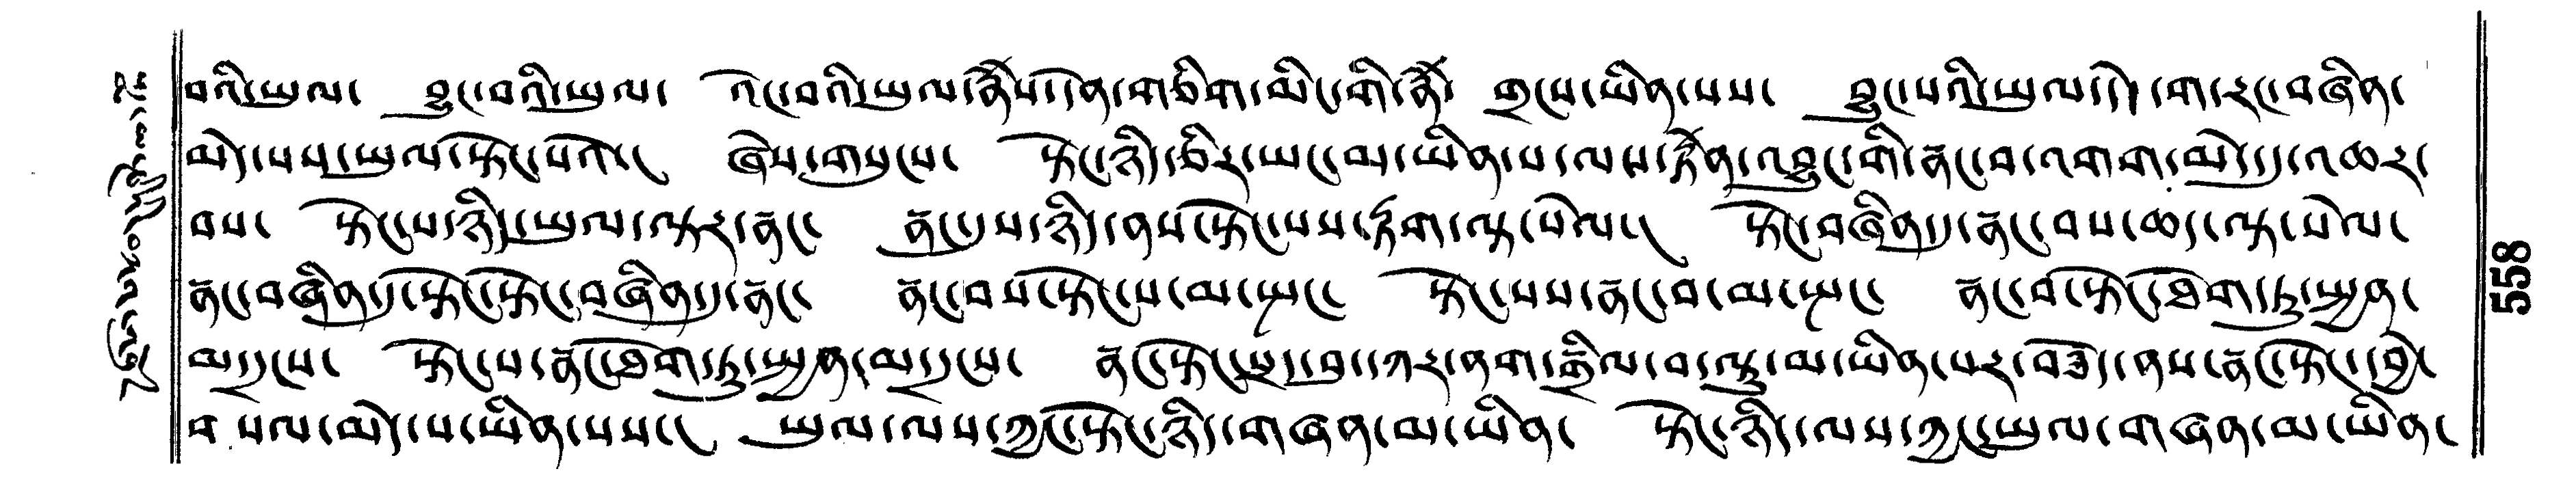བའི་ཡུལ། འོང་བའི་ཡུལ་རྣམས་དོན་གཅིག་མིང་གི་རྣམ་གྲངས་ཡིན་པས། བྱུང་པའི་ཡུལ་དེ་ག་རང་བཞིན་
མེད་པས་ཡུལ་སྟོང་པའོ། ཞེས་གསུངས། སྟོང་ཉིད་ཅིར་ཡང་མ་ཡིན་པ་ལས་རྟེན་འབྱུང་གི་སྣང་བ་འགག་མེད་དུ་འཆར་
བས། སྟོང་པ་ཉིད་ཡུལ་ལྟར་སྣང་། སྣང་དུས་ཉིད་ནས་སྟོང་པས་རྟག་ལྟ་སེལ། སྟོང་བཞིན་དུ་སྣང་བས་ཆད་ལྟ་སེལ། 
སྣང་བཞིན་དུ་སྟོང་། སྟོང་བཞིན་དུ་སྣང་། སྣང་བས་སྟོང་པ་མ་སྤང་ས། སྟོང་པས་སྣང་བ་མ་སྤངས། སྣང་བ་སྟོང་ཐོག་ཏུ་སྤྱན་
མ་དྲངས། སྟོང་པ་སྣང་ཐོག་ཏུ་སྤྱན་མ་དྲངས།སྣང་སྟོང་སྲད་བུ་དཀར་ནག་སྒྲིལ་བ་ལྟ་བུ་མ་ཡིན་པར་བཟོད་ནས་སྣང་སྟོང་དབྱེ་
བསལ་མེད་པ་ཡིན་པས། ཡུལ་ལས་ཀྱང་སྟོང་ཉིད་གཞན་མ་ཡིན། སྟོང་ཉིད་ལས་ཀྱང་ཡུལ་གཞན་མ་ཡིན་